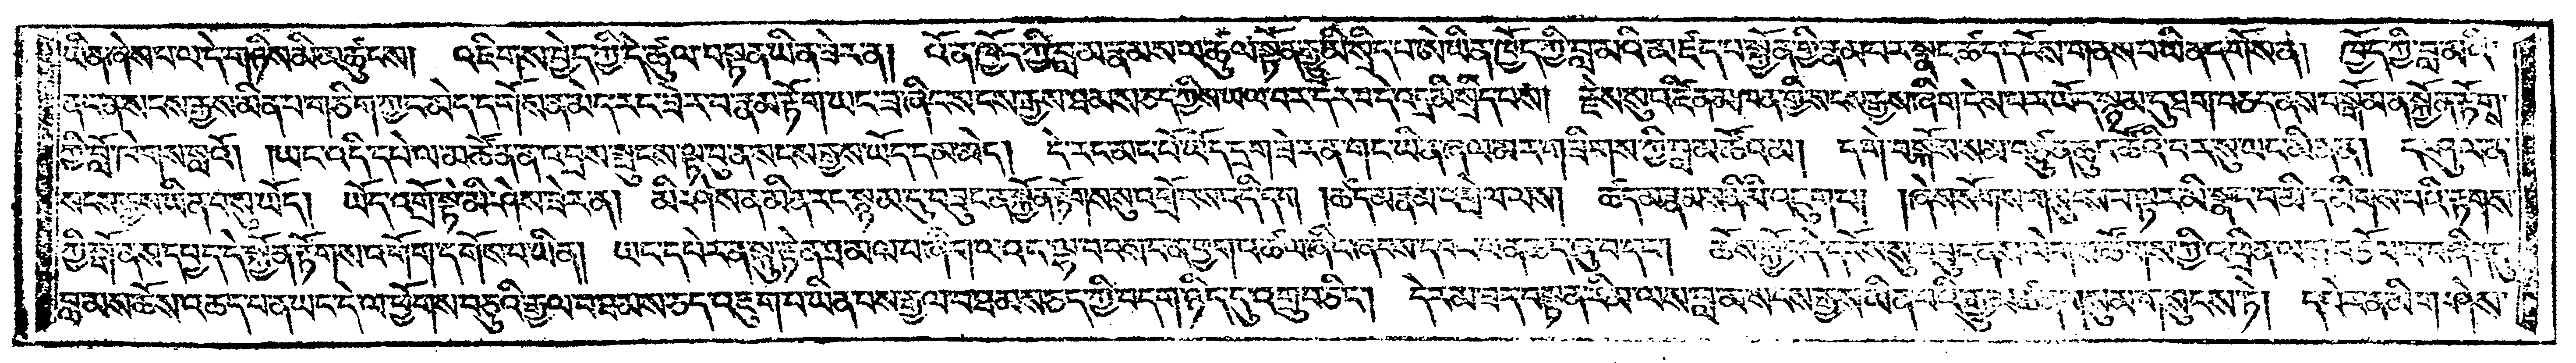ཡིན་ཞེས་པ་ལ་དེ་གཉིས་མི་མཚུངས། འཇིགས་བྱེད་ཀྱི་དེ་ཚུལ་བསྟན་ཡིན་ཟེར་ན། འོ་ན་ཁྱོད་ཀྱི་བླ་མ་རྣམས་ལ་ཚུལ་སྟོན་རྒྱུ་མི་སྲིད་པ་ཨེ་ཡིན་ཁྱོད་ཀྱི་བླ་མའི་མཛད་པ་སྐྱོན་གྱི་རྣམ་པར་སྣང་ཚད་དངོས་གནས་པ་ཡིན་དགོས་ན། ཁྱོད་ཀྱི་བླ་མའི་
ནང་ན་སངས་རྒྱས་མིན་པ་གཅིག་ཀྱང་མེད་དགོས་ན་མེད་རང་ཟེར་བ་རྣམ་རྟོག་ཡང་ཟ་ཞིང་སངས་རྒྱས་ཐམས་ཅད་ཀྱིས་ཡལ་བར་དོར་བ་དེ་འདྲ་མི་སྲིད་པས། རྗེས་སུ་འཛིན་མཁན་གྱི་སངས་རྒྱས་ཞིག་ངེས་པར་ཡོད་སྙམ་དུ་ཐག་བཅད་ནས་བསྒོམ་ན་སྐྱོན་རྟོགས་
ཀྱི་བློ་ཁེགས་སླའོ། །ཡང་འདི་དཔེ་ལ་མཚོན་ན་འབྲས་སྤུངས་ལྟ་བུ་ན་སངས་རྒྱས་ཡོད་དམ་མེད། དེ་རང་མང་པོ་ཡོད་དྲག་ཟེར་ན་གང་ཡིན་ཞལ་མར་གཟིགས་ཀྱི་བླ་མ་ཚོའམ། དགེ་བསྐོས་སམ་བཙུན་ཆུང་ཚོའི་བར་སུ་ཡང་མིན་ན། ད་ཤུལ་ན་
སངས་རྒྱས་ཡིན་བ་སུ་ཡོད། ཡོད་འགྲོ་སྟེ་མི་ཤེས་ཟེར་ན། མི་ཤེས་ན་མིན་རང་སྙམ་དུ་བཟུང་ན་སྐྱོན་རྟོགས་སུ་འགྲོ་བས་འདི་དག །ཚད་མ་རྣམ་འགྲེལ་ལས། ཚད་མ་རྣམས་ནི་མི་འཇུག་པ། །ཞེས་སོགས་གསུངས་པ་ལྟར་མི་སྣང་བ་མི་དམིགས་པའི་རྟགས་
ཀྱི་སྒོ་ནས་དཔྱད་དེ་སྐྱོན་རྟོགས་འགོག་དགོས་པ་ཡིན། ཡང་དཔེར་ན་སྐུ་རྟེན་ཐ་མལ་པ་ཞིག་ལའང་ལྷ་བབས་པ་ན་ཕྱག་འཚལ་ཞིང་ཞབས་དབང་ཡན་ཆད་ཞུ་བ་དང་། ཆོས་སྐྱོང་དེ་དངོས་སུ་བཟུང་ནས་ལེགས་ཚོགས་ཀྱི་འཕྲིན་ལས་བཅོལ་བ་བཞིན་དུ་
བླ་མས་ཆོས་འཆད་པ་ན་ཡང་དེ་ལ་ཕྱོགས་བཅུའི་རྒྱལ་བ་ཐམས་ཅད་འཇུག་པ་ཡིན་བས་རྒྱལ་བ་ཐམས་ཅད་ཀྱི་བདག་ཉིད་དུ་འགྲུབ་ཅིང་། དེར་མ་ཟད་བསྟན་རིམ་ལས་བླ་མ་སངས་རྒྱས་ཡིན་པའི་རྒྱུ་མཚན་གསུམ་གསུངས་ཏེ། དཔེར་ན་མིག་ཤེས་